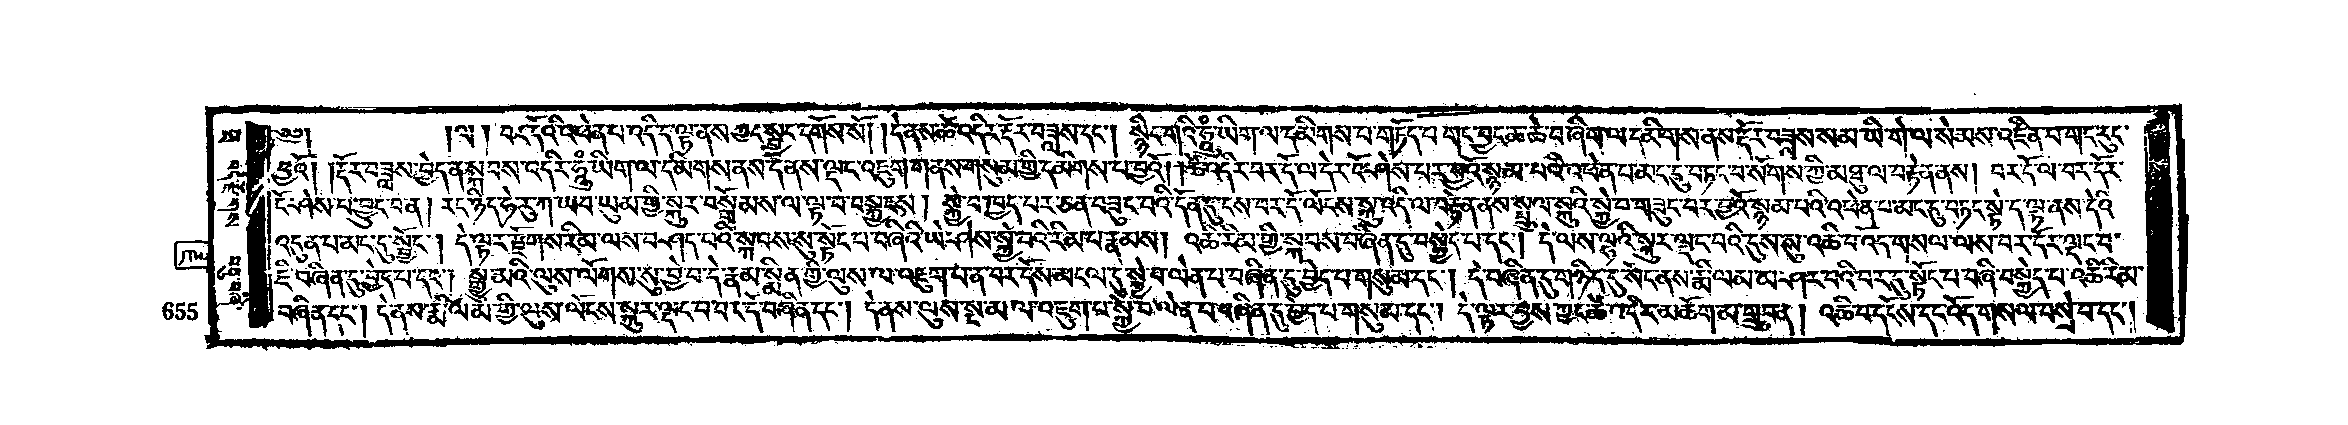༄༅། །ལ། བར་དོའི་འཕེན་པ་འདི་ད་ལྟ་ནས་ཀྱང་སྦྱང་དགོས་སོ། །དེ་ནས་ཚེ་འདིར་རྡོར་བཟླས་དང་། སྙིང་གའི་ཧཱུཾ་ཡིག་ལ་དམིགས་པ་གཏོད་པ་གང་བྱང་ཆ་ཆེ་བ་ཞིག་ལ་དམིགས་ནས་རྡོར་བཟླས་སམ་ཡི་གེ་ལ་སེམས་འཛིན་པ་གང་རུང་
བྱའོ། །རྡར་བཟླས་བྱེད་ན་སྐབས་འདིར་ཧཱུཾ་ཡིག་ལ་དམིགས་ནས་དེ་ནས་ལྡང་འཇུག་གནས་གསུམ་གྱི་དམིགས་པ་བྱའོ། །ཚེ་འདིར་བར་དོ་ལ་དེར་ངོ་ཤེས་པར་བྱའོ་སྙམ་པའི་འཕེན་པ་མང་དུ་བཏང་བ་སོགས་ཀྱི་མཐུ་ལ་བརྟེན་ནས། བར་དོ་ལ་བར་དོར་
ངོ་ཤེས་པ་བྱུང་བ་ན། རང་ཉིད་ཧེ་རུ་ཀ་ཡབ་ཡུམ་གྱི་སྐུར་བསྒོམས་ལ་ལྟ་བ་བསྐྱངས། སྐྱེ་བ་ཁྱད་པར་ཅན་བཟུང་བའི་དོན་དུ་ངས་པར་དོ་ལོངས་སྐུ་འདི་ལ་བརྟེན་ནས་སྤྲུལ་སྐུའི་སྐྱེ་བ་གཟུང་བར་བྱའོ་སྙམ་པའི་འཕེན་པ་མང་དུ་བཏང་སྟེ་ད་ལྟ་ནས་དེའི་
འདུན་པ་མང་དུ་སྦྱོང་། དེ་ལྟར་རྫོགས་རིམ་ལས་བཤད་པའི་སྐབས་སུ་སྟོང་པ་བཞིའི་ཡེ་ཤེས་སྐྱེ་བའི་རིམ་པ་རྣམས། འཆི་རིམ་གྱི་སྐབས་བཞིན་དུ་བསྐྱེད་པ་དང་། དེ་ལས་ལྷའི་སྐུར་ལྡང་བའི་དུས་སུ་འཆི་བ་འོད་གསལ་ལས་བར་དོར་ལྡང་བ་
ཇི་བཞིན་དུ་བྱེད་པ་དང་། སྒྱུ་མའི་ལུས་ལོགས་སུ་བྱེ་བ་དེ་རྣམ་སྨིན་གྱི་ལུས་ལ་འཇུག་པ་ན་བར་དོས་མངལ་དུ་སྐྱེ་བ་ལེན་པ་བཞིན་དུ་བྱེད་པ་གསུམ་དང་། དེ་བཞིན་དུ་གཉིད་དུ་སོང་ནས་རྨི་ལམ་མ་ཤར་བའི་བར་དུ་སྟོང་པ་བཞི་བསྐྱེད་པ་འཆི་རིམ་
བཞིན་དང་། དེ་ནས་རྨི་ལམ་གྱི་ལུས་ལོངས་སྐུར་ལྡང་བ་བར་དོ་བཞིན་དང་། དེ་ནས་ལུས་སྔ་མ་ལ་འཇུག་པ་སྐྱེ་བ་ལེན་པ་བཞིན་དུ་བྱེད་པ་གསུམ་དང་། དེ་ལྟར་བྱས་ཀྱང་ཚེ་འདིར་མཆོག་མ་གྲུབ་ན། འཆི་བ་དངོས་དང་འོད་གསལ་བསྲེ་བ་དང་།